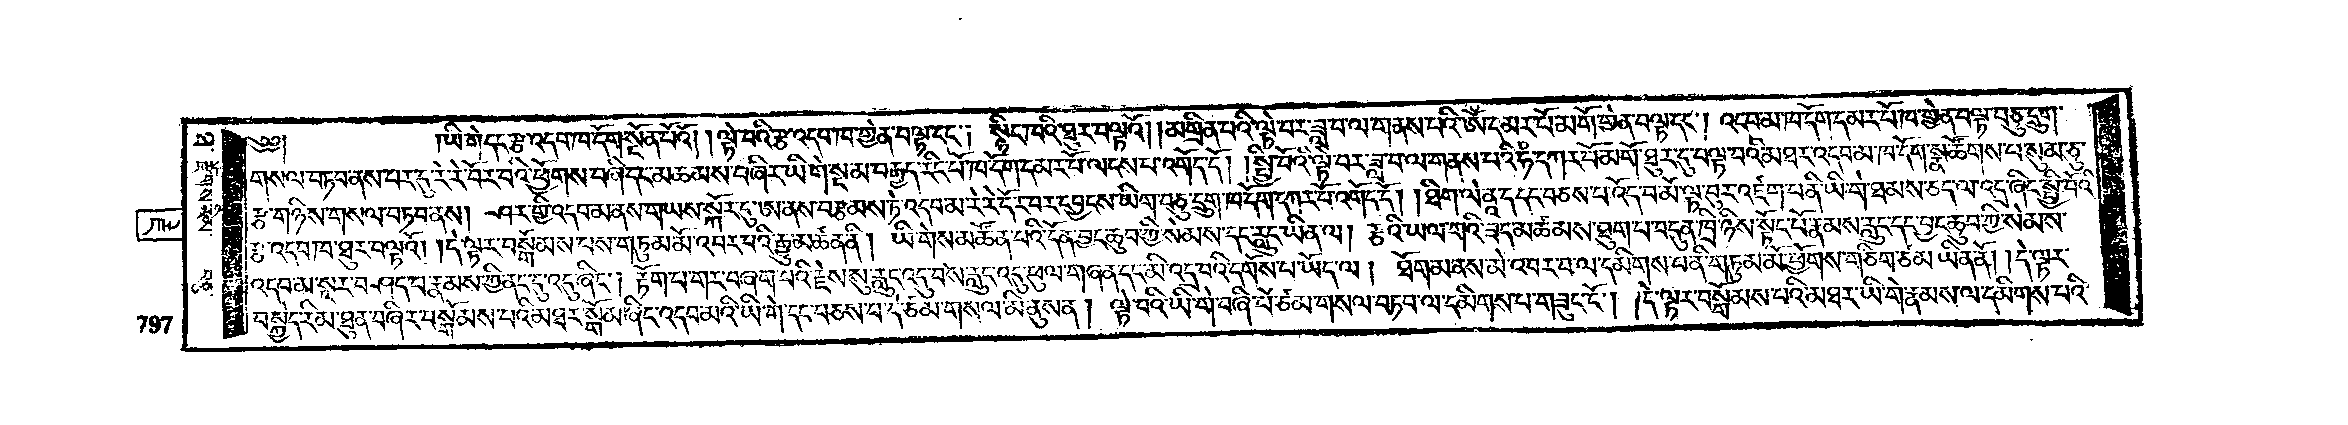༄༅། །ཡི་གེ་དང་རྩ་འདབ་ཁ་དོག་སྔོན་པོའོ། །ལྟེ་བའི་རྩ་འདབ་ཁ་གྱེན་བལྟ་དང་། སྙིང་ཁའི་ཐུར་བལྟའོ། །མགྲིན་པའི་ལྟེ་བར་ཟླ་བ་ལ་གནས་པའི་ཨོཾ་དམར་པོ་མགོ་གྱེན་བལྟ་དང་། འདབ་མ་ཁ་དོག་དམར་པོ་ཁ་གྱེན་བལྟ་བཅུ་དྲུག་
གསལ་བཏབ་ནས་པར་དུ་རེ་རེ་བོར་བའི་ཕྱོགས་བཞི་དང་མཚམས་བཞིར་ཡི་གེ་སྔ་མ་བརྒྱད་རིང་པོ་ཁ་དོག་དམར་པོ་ལངས་པ་འགོད་དོ། །སྤྱི་བོའི་ལྟེ་བར་ཟླ་བ་ལ་གནས་པའི་ཧཾ་དཀར་པོ་མགོ་ཐུར་དུ་བལྟ་བའི་མཐར་འདབ་མ་ཁ་དོག་སྣ་ཚོགས་པ་སུམ་ཅུ་
རྩ་གཉིས་གསལ་བཏབ་ནས། ཤར་གྱི་འདབ་མ་ནས་གཡས་སྐོར་དུ་ཨ་ནས་བརྩམས་ཏེ་འདབ་མ་རེ་རེ་དོར་བར་དབྱངས་ཡིག་བཅུ་དྲུག་ཁ་དོག་དཀར་པོ་འགོད་དོ། །ཐིག་ལེ་ནཱ་ད་དང་བཅས་པ་འོད་བ་མོ་ལྟ་བུར་འཛག་པ་ནི་ཡི་གེ་ཐམས་ཅད་ལ་འདྲ་ཞིང་སྤྱི་བོའི་
རྩ་འདབ་ཁ་ཐུར་བལྟའོ། །དེ་ལྟར་བསྒོམས་པས་གཏུམ་མོ་འབར་བའི་རྒྱུ་མཚན་ནི། ཡི་གེས་མཚོན་པའི་དོན་བྱང་ཆུབ་ཀྱི་སེམས་དང་རླུང་ཡིན་ལ། རྩའི་ཡལ་གའི་ཟད་མཚམས་ཐུག་པ་བདུན་ཁྲི་ཉིས་སྟོང་པོ་རྣམས་རླུང་དང་བྱང་ཆུབ་ཀྱི་སེམས་
འདབ་མ་སྔར་བཤད་པ་རྣམས་ཀྱི་ནང་དུ་འདུ་ཞིང་། རྟོག་པ་གར་བཞག་པའི་རྗེས་སུ་རླུང་འདུ་བས་རླུང་འདུ་ཕུལ་གཞན་དང་མི་འདྲ་བའི་དགོས་པ་ཡོད་ལ། ཐོག་མ་ནས་མེ་འབར་བ་ལ་དམིགས་པ་ནི་གཏུམ་མོ་ཕྱོགས་གཅིག་ཙམ་ཡིན་ནོ། །དེ་ལྟར་
བསྐྱེད་རིམ་མཐུན་བཞིར་བསྒོམས་པའི་མཐར་སྒོམ་ཞིང་འདབ་མའི་ཡི་གེ་དང་བཅས་པ་དེ་ཙམ་གསལ་མི་ནུས་ན། ལྟེ་བའི་ཡི་གེ་བཞི་པོ་ཙམ་གསལ་བཏབ་ལ་དམིགས་པ་གཟུང་ངོ། །དེ་ལྟར་བསྒོམས་པའི་མཐར་ཡི་གེ་རྣམས་ལ་དམིགས་པའི་